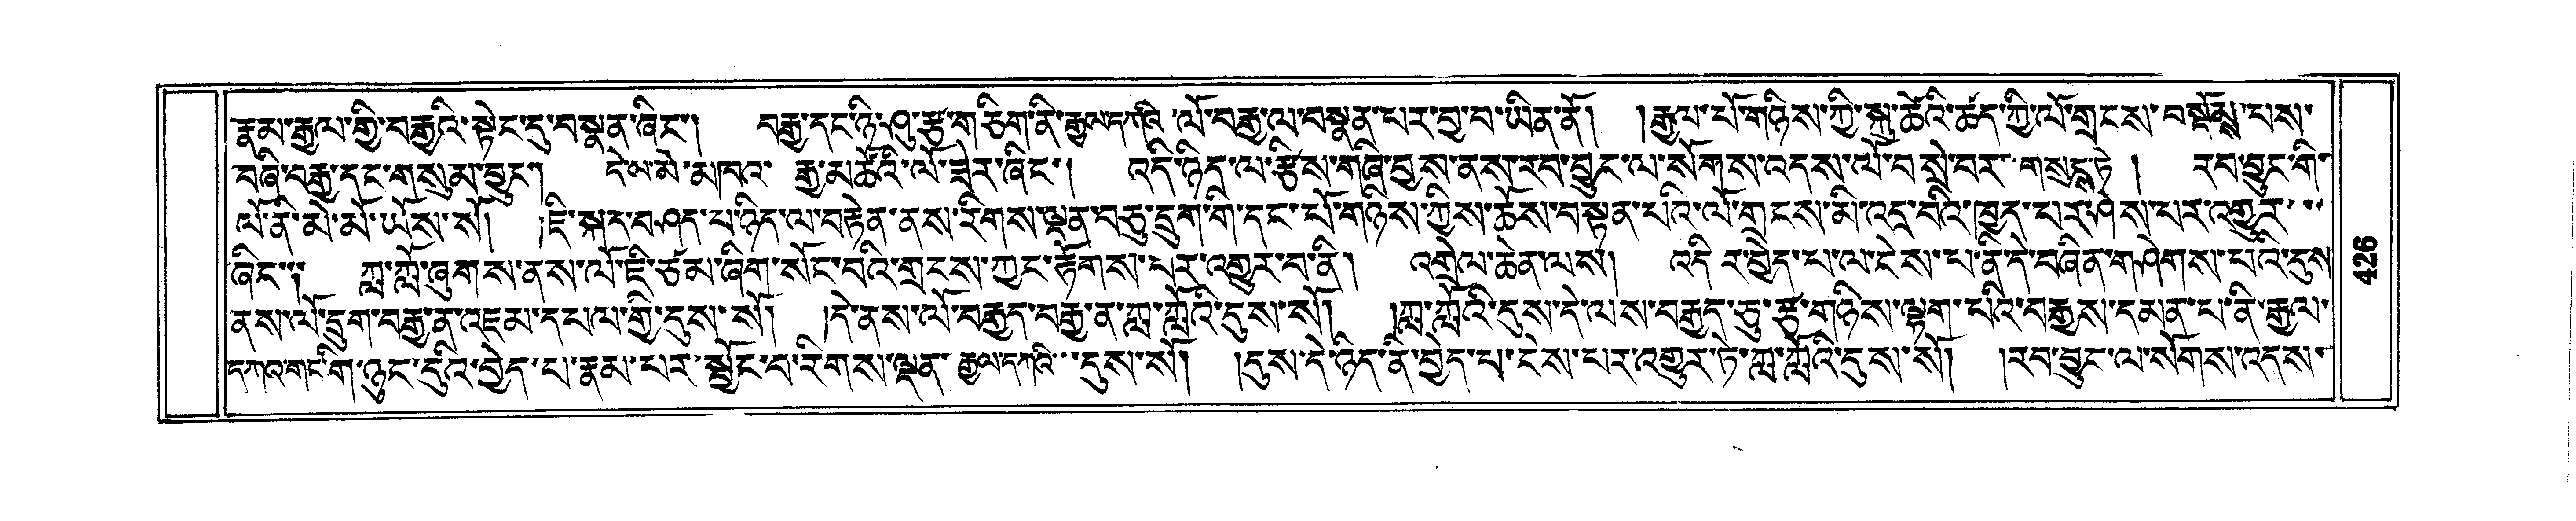རྣམ་རྒྱལ་གྱི་བརྒྱའི་སྟེང་དུ་བསྣན་ཞིང་། བརྒྱ་དང་ཉི་ཤུ་རྩ་གཅིག་ནི་རྒྱལ་དཀའི་ལོ་བརྒྱ་ལ་བསྣན་པར་བྱ་བ་ཡིན་ནོ། །རྒྱལ་པོ་གཉིས་ཀྱི་སྐུ་ཚེའི་ཚད་ཀྱི་ལོ་གྲངས་བསྡོམས་པས་
བཞི་བརྒྱ་དང་གསུམ་བྱུང་། དེ་ལ་མེ་མཁའ་རྒྱ་མཚོའི་ལོ་ཟེར་ཞིང་། འདི་ཉིད་ལ་རྩིས་གཞི་བྱས་ནས་རབ་བྱུང་ལ་སོགས་འདས་ལོ་བསྲེ་བར་གསུངས་ཏེ།  རབ་བྱུང་གི་
ལོ་ནི་མེ་མོ་ཡོས་སོ། །ཇི་སྐད་བཤད་པ་ཉིད་ལ་བརྟེན་ནས་རིགས་ལྡན་བཅུ་དྲུག་གི་དང་པོ་གཉིས་ཀྱིས་ཆོས་བསྟན་པའི་ལོ་གྲངས་མི་འདྲ་བའི་ཁྱད་པར་ཤེས་པར་འགྱུར་
ཞིང༑ ཀླ་ཀློ་ཞུགས་ནས་ལོ་ཇི་ཙམ་ཞིག་སོང་བའི་གྲངས་ཀྱང་རྟོགས་པར་འགྱུར་བ་ནི། འགྲེལ་ཆེན་ལས། འདིར་བྱེད་པ་ལ་ངེས་པ་ནི་དེ་བཞིན་གཤེགས་པའི་དུས་
ནས་ལོ་དྲུག་བརྒྱ་ན་འཇམ་དཔལ་གྱི་དུས་སོ། །དེ་ནས་ལོ་བརྒྱད་བརྒྱ་ན་ཀླ་ཀློའི་དུས་སོ། །ཀླ་ཀློའི་དུས་དེ་ལས་བརྒྱད་ཅུ་རྩ་གཉིས་ལྷག་པའི་བརྒྱས་དམན་པ་ནི་རྒྱལ་
དཀའ་གང་གི་ཉུང་ངུའི་བྱེད་པ་རྣམ་པར་སྦྱོང་བ་རིགས་ལྡན་རྒྱལ་དཀའི་དུས་སོ། །དུས་དེ་ཉིད་ནི་བྱེད་པ་ངེས་པར་འགྱུར་ཏེ་ཀླ་ཀློའི་དུས་སོ། །རབ་བྱུང་ལ་སོགས་འདས་